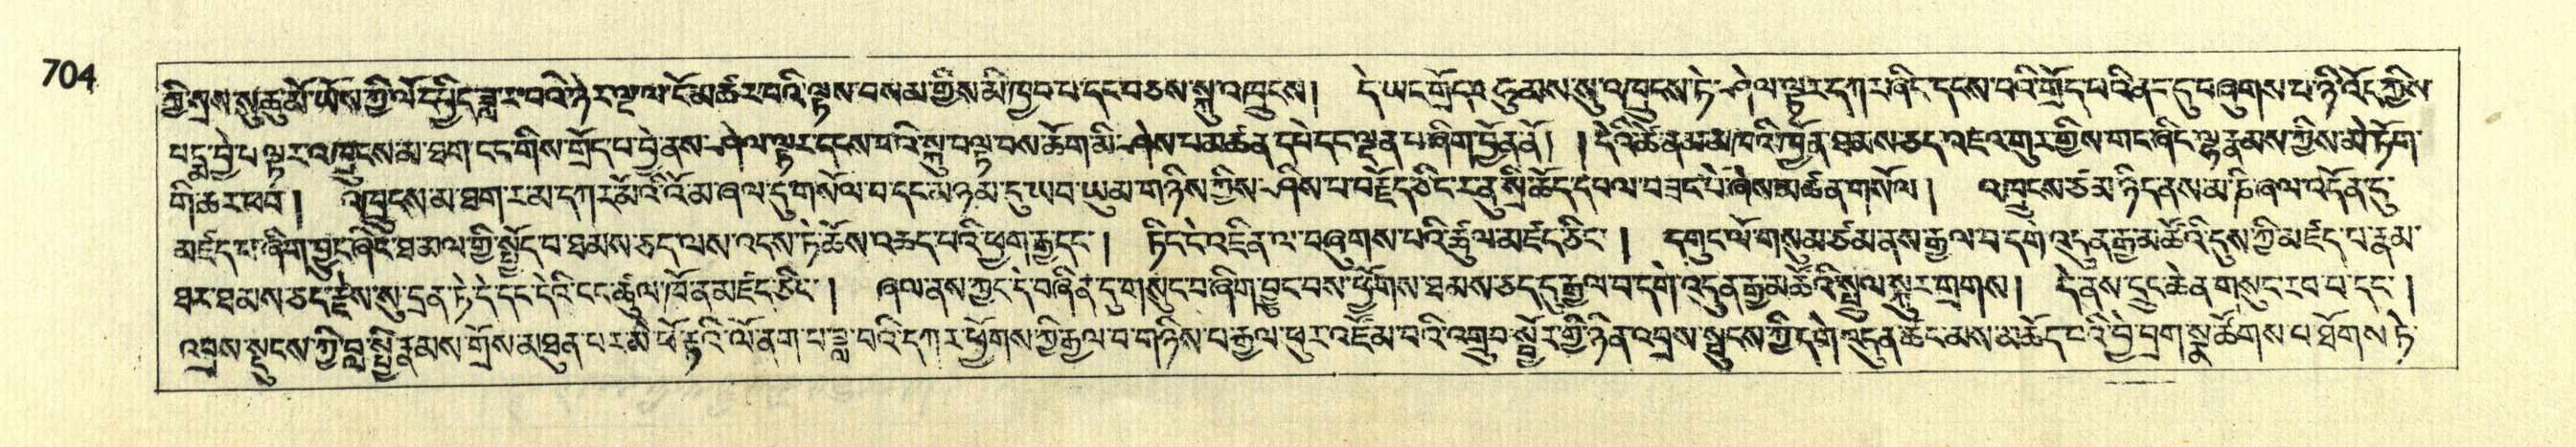ཀྱི་སྲས་སུ་ཆུ་མོ་ཡོས་ཀྱི་ལོ་དཔྱིད་ཟླར་བའི་ཉེར་ལྔ་ལ་ངོ་མཚར་བའི་ལྟས་བསམ་གྱིས་མི་ཁྱབ་པ་དང་བཅས་སྐུ་འཁྲུངས། དེ་ཡང་གྲོད་འྷུམས་སུ་འཁྲུངས་ཏེ་ཤེལ་ལྟར་དཀར་ཞིང་དངས་བའི་གྲོད་པའི་ནང་དུ་བཞུགས་པ་ཉི་འོད་ཀྱིས་
པདམ་བྱེ་པ་ལྟར་འཁྲུངས་མ་ཐག་ངང་གིས་གྲོད་པ་བྱེ་ནས་ཤེལ་ལྟར་དངས་བའི་སྐུ་བལྟ་བས་ཆོག་མི་ཤེས་པ་མཚན་དཔེ་དང་ལྡན་པ་ཞིག་བྱོན་ནོ། །དེའི་ཚེ་ནམ་མཁའི་ཁྱོན་ཐམས་ཅད་འཇའ་གུར་གྱིས་གང་ཞིང་ལྷ་རྣམས་ཀྱིས་མེ་ཏོག་
གི་ཆར་ཕབ། འཁྲུངས་མ་ཐག་ར་མ་དཀར་མོའི་འོ་མ་ཞལ་དུ་གསོལ་བ་དང་མཉམ་དུ་ཡབ་ཡུམ་གཉིས་ཀྱིས་ཤིས་པ་བརྗོད་ཅིང་ར་ནུ་སྲི་ཆོད་དཔལ་བཟང་པོ་ཞེས་མཚན་གསོལ། འཁྲུངས་ཙམ་ཉིད་ནས་མ་ཎི་ཞལ་འདོན་དུ་
མཛད་པ་ཞིག་བྱུང་ཞིང་ཐ་མལ་གྱི་སྤྱོད་བ་ཐམས་ཅད་ལས་འདས་ཏེ་ཆོས་འཆད་པའི་ཕྱག་རྒྱ་དང་། ཏིང་ངེ་འཛིན་ལ་བཞུགས་པའི་ཚུལ་མཛད་ཅིང་། དགུང་ལོ་གསུམ་ཙམ་ནས་རྒྱལ་བ་དགེ་འདུན་རྒྱ་མཚོའི་དུས་ཀྱི་མཛད་པ་རྣམ་
ཐར་ཐམས་ཅད་རྗེས་སུ་དྲན་ཏེ་དེ་དང་དེའི་ངང་ཚུལ་ཁོ་ན་མཛད་ཅིང་། ཞལ་ནས་ཀྱང་དེ་བཞིན་དུ་གསུང་བ་ཞིག་བྱུང་བས་ཕྱོགས་ཐམས་ཅད་དུ་རྒྱལ་བ་དགེ་འདུན་རྒྱ་མཚོའི་སྤྲུལ་སྐུར་གྲགས། དེ་ནས་དྲུང་ཆེན་གསུང་རབ་པ་དང་།
འབྲས་སྡུངས་ཀྱི་བླ་སྤྱི་རྣམས་གྲོས་མཐུན་པར་མེ་ཕོ་རྟའི་ལོ་ནག་པ་ཟླ་བའི་དཀར་ཕྱོགས་ཀྱི་རྒྱལ་བ་གཉིས་པ་རྒྱལ་ཕུར་འཛོམ་བའི་འགྲུབ་སྦྱོར་གྱི་ཉིན་འབྲས་སྤུངས་ཀྱི་དགེ་འདུན་ཚང་མས་མཆོད་པའི་བྱེ་བྲག་སྣ་ཚོགས་པ་ཐོགས་